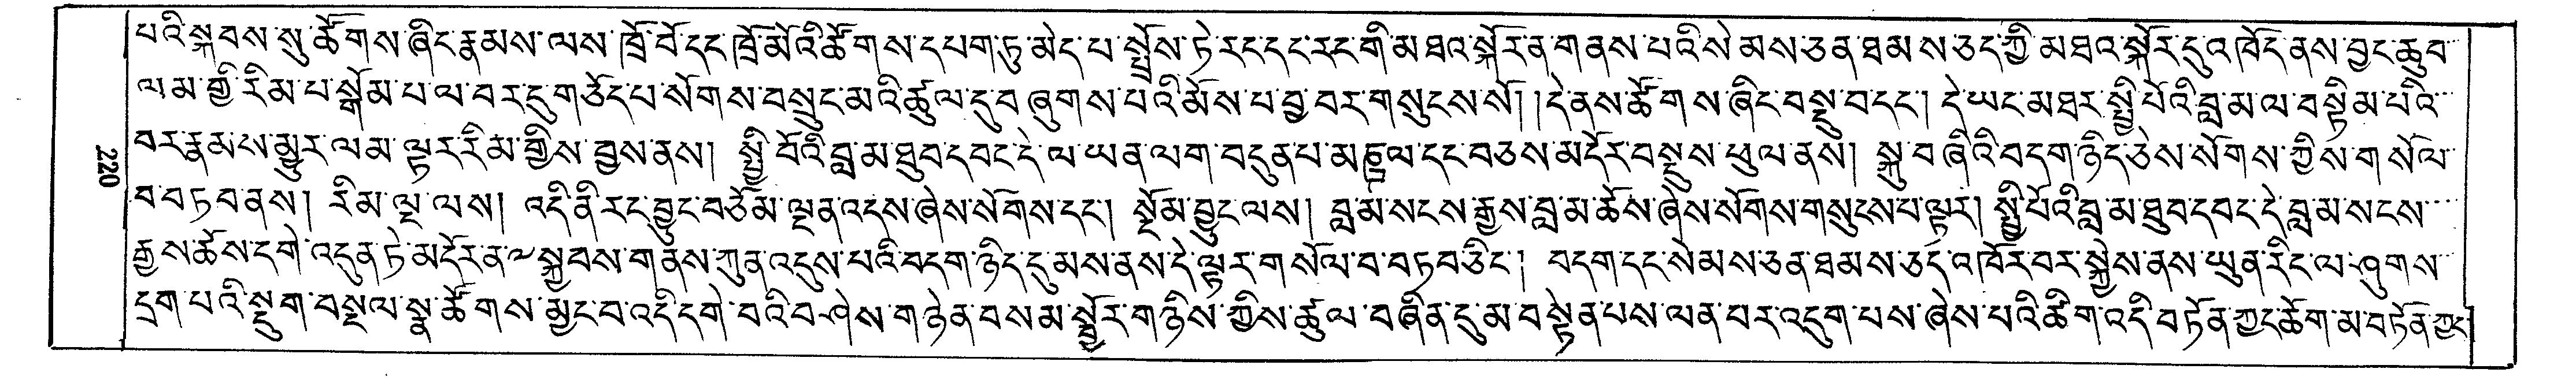པའི་སྐབས་སུ་ཚོགས་ཞིང་རྣམས་ལས་ཁྲོ་བོ་དང་ཁྲོ་མོའི་ཚོགས་དཔག་ཏུ་མེད་པ་སྤྲོས་ཏེ་རང་དང་རང་གི་མཐའ་སྐོར་ན་གནས་པའི་སེམས་ཅན་ཐམས་ཅད་ཀྱི་མཐའ་སྐོར་དུ་འཁོད་ནས་བྱང་ཆུབ་
ལམ་གྱི་རིམ་པ་སྒོམ་པ་ལ་བར་དུ་གཅོད་པ་སོགས་བསྲུང་མའི་ཚུལ་དུ་བཞུགས་པའི་མོས་པ་བྱ་བར་གསུངས་སོ། །དེ་ནས་ཚོགས་ཞིང་བསྡུ་བ་དང་། དེ་ཡང་མཐར་སྤྱི་བོའི་བླ་མ་ལ་བསྟིམ་པའི་
པར་རྣམས་མྱུར་ལམ་ལྟར་རིམ་གྱིས་བྱས་ནས། སྤྱི་བོའི་བླ་མ་ཐུབ་དབང་དེ་ལ་ཡན་ལག་བདུན་པ་མཎྜལ་དང་བཅས་མངོར་བསྡུས་ཕུལ་ནས། སྐུ་བཞིའི་བདག་ཉིད་ཅེས་སོགས་ཀྱིས་གསོལ་
བ་བཏབ་ནས། རིམ་ལྔ་ལས། འདི་ནི་རང་བྱུང་བཅོམ་ལྡན་འདས་ཞེས་སོགས་དང་། སྡོམ་བྱུང་ལས། བླ་མ་སངས་རྒྱས་བླ་མ་ཆོས་ཞེས་སོགས་གསུངས་པ་ལྟར། སྤྱི་བོའི་བླ་མ་ཐུབ་དབང་དེ་བླ་མ་སངས་
རྒྱས་ཆོས་དགེ་འདུན་ཏེ་མདོར་ན ༧སྐྱབས་གནས་ཀུན་འདུས་པའི་བདག་ཉིད་དུ་མོས་ནས་དེ་ལྟར་གསོལ་བ་བཏབ་ཅིང་། བདག་དང་སེམས་ཅན་ཐམས་ཅད་འཁོར་བར་སྐྱེས་ནས་ཡུན་རིང་ལ་ཤུགས་
དྲག་པའི་སྡུག་བསྔལ་སྣ་ཚོགས་མྱོང་བ་འདི་དགེ་བའི་བཤེས་གཉེན་བསམ་སྦྱོར་གཉིས་ཀྱིས་ཚུལ་བཞིན་དུ་མ་བསྟེན་པས་ལན་པར་འདུག་པས་ཞེས་པའི་ཚིག་འདི་བཏོན་ཀྱང་ཆོག་མ་བཏོན་ཀྱང་